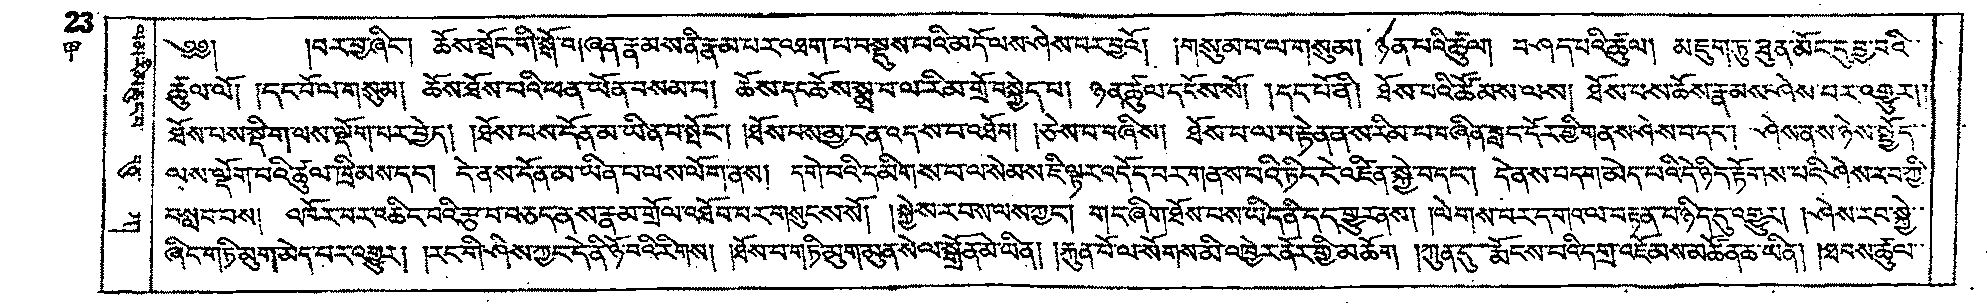༄༅། །བར་བྱ་ཞིང་། ཆོས་སྤོང་གི་སྒོ་གཞན་རྣམས་ནི་རྣམ་པར་འཐག་པ་བསྡུས་པའི་མདོ་ལས་ཤེས་པར་བྱའོ། །གསུམ་པ་ལ་གསུམ། ཉན་པའི་ཚུལ། བཤད་པའི་ཚུལ། མཇུག་ཏུ་ཐུན་མོང་དུ་བྱ་བའི་
ཚུལ་ལོ། །དང་པོ་ལ་གསུམ། ཆོས་ཐོས་པའི་ཕན་ཡོན་བསམ་པ། ཆོས་དང་ཆོས་སྨྲ་བ་ལ་རིམ་གྲོ་བསྐྱེད་པ། ཉན་ཚུལ་དངོས་སོ། །དང་པོ་ནི། ཐོས་པའི་ཚོམས་ལས། ཐོས་པས་ཆོས་རྣམས་ཤེས་པར་འགྱུར། །
ཐོས་པས་སྡིག་ལས་ལྡོག་པར་བྱེད། །ཐོས་པས་དོན་མ་ཡིན་པ་སྤོང་། །ཐོས་པས་མྱ་ངན་འདས་པ་འཐོབ། །ཅེས་པ་བཞིས། ཐོས་པ་ལ་བརྟེན་ནས་རིམ་པ་བཞིན་བླང་དོར་གྱི་གནས་ཤེས་པ་དང་། ཤེས་ནས་ཉེས་སྤྱོད་
ལས་ལྡོག་པའི་ཚུལ་ཁྲིམས་དང་། དེ་ནས་དོན་མ་ཡིན་པ་ལས་ལོག་ནས། དགེ་བའི་དམིགས་པ་ལ་སེམས་ཇི་ལྟར་འདོད་བར་གནས་པའི་ཏིང་ངེ་འཛིན་སྐྱེ་བ་དང་། དེ་ན་ས་བདག་མེད་པའི་དེ་ཉིད་རྟོགས་པའི་ཤེས་རབ་ཀྱི་
བསླབ་པས། འཁོར་བར་འཆིང་བའི་རྩ་བ་བཅད་ནས་རྣམ་གྲོལ་འཐོབ་པར་གསུངས་སོ། །སྐྱེས་རབས་ལས་ཀྱང་། གང་ཞིག་ཐོས་པས་ཡིད་ནི་དད་གྱུར་ནས། །ལེགས་པར་དགའ་ལ་བརྟན་པ་ཉིད་དུ་འགྱུར། །ཤེས་རབ་སྐྱེ་
ཞིང་གཏི་མུག་མེད་པར་འགྱུར། །རང་གི་ཤིས་ཀྱང་དེ་ནི་ཉོ་བའི་རིགས། །ཐོས་པ་གཏི་མུག་མུན་སེལ་སྒྲོན་མེ་ཡིན། །རྐུན་པོ་ལ་སོགས་མི་འཁྱེར་ནོར་གྱི་མཆོག། ཀུན་དུ་རྨོངས་པའི་དགྲ་འཇོམས་མཚོན་ཆ་ཡིན། །ཐབས་ཚུལ་